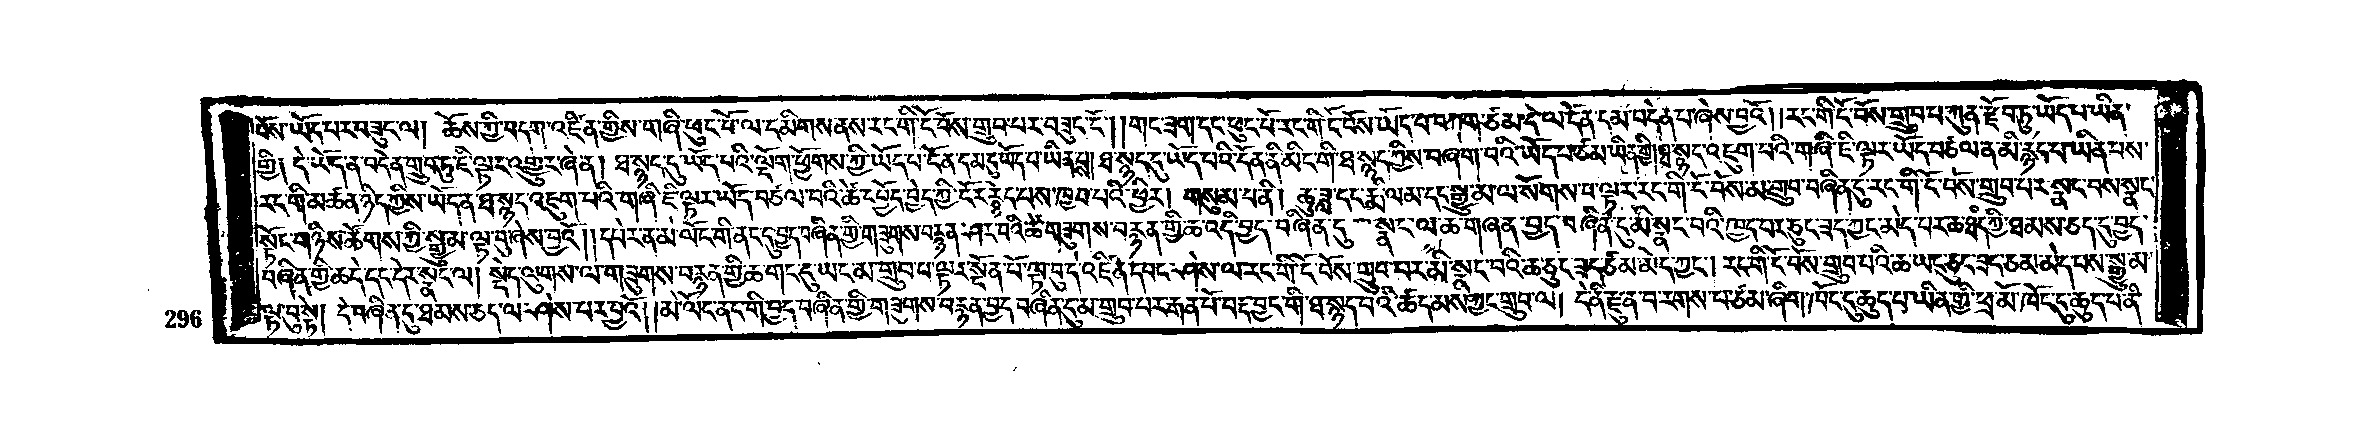བོས་ཡོད་པར་བཟུང་ལ། ཆོས་ཀྱི་བདག་འཛིན་གྱིས་གཞི་ཕུང་པོ་ལ་དམིགས་ནས་རང་གི་ངོ་བོས་གྲུབ་པར་བཟུང་ངོ། །གང་ཟག་དང་ཕུང་པོ་རང་གི་ངོ་བོས་ཡོད་པ་བཀག་ཙམ་དེ་ལ་དོན་དམ་བདེན་པ་ཞེས་བྱའོ། །རང་གི་ངོ་བོས་གྲུབ་པ་ཀུན་རྫོབ་ཏུ་ཡོད་པ་ཡིན་
གྱི། དེ་ཡོད་ན་བདེན་གྲུབ་ཏུ་ཇི་ལྟར་འགྱུར་ཞེ་ན། ཐ་སྙད་དུ་ཡོད་པའི་ལྡོག་ཕྱོགས་ཀྱི་ཡོད་པ་དོན་དམ་དུ་ཡོད་པ་ཡིན་པས། ཐ་སྙད་དུ་ཡོད་པའི་དོན་ནི་མིང་གི་ཐ་སྙད་ཀྱིས་བཞག་པའི་ཡོད་པ་ཙམ་ཡིན་གྱི་།ཐ་སྙད་འཇུག་པའི་གཞི་ཇི་ལྟར་ཡོད་བཙལ་ན་མི་རྙེད་པ་ཡིན་པས་
རང་གི་མཚན་ཉིད་ཀྱིས་ཡོད་ན་ཐ་སྙད་འཇུག་པའི་གཞི་ཇི་ལྟར་ཡོད་བཙལ་བའི་ཚེ་དཔྱོད་བྱེད་ཀྱི་ངོར་རྙེད་པས་ཁྱབ་པའི་ཕྱིར། གསུམ་པ་ནི། ཆུ་ཟླ་དང་རྨི་ལམ་དང་སྒྱུ་མ་ལ་སོགས་པ་ལྟར་རང་གི་ངོ་བོས་མ་གྲུབ་བཞིན་དུ་རང་གི་ངོ་བོས་གྲུབ་པར་སྣང་བས་སྣང་
སྟོང་གཉིས་ཚོགས་ཀྱི་སྒྱུ་མ་ལྟ་བུ་ཞེས་བྱའོ། །དཔེར་ན་མེ་ལོང་གི་ནང་དུ་བྱད་བཞིན་གྱི་གཟུགས་བརྙན་ཤར་བའི་ཚེ་གཟུགས་བརྙན་གྱི་ཆ་འདི་བྱད་བཞིན་དུ་སྣང་ལ་ཆ་གཞན་བྱེད་བཞིན་དུ་མི་སྣང་བའི་ཁྱད་པར་ཅུང་ཟད་ཀྱང་མེད་པར་ཆ་ཐམས་ཅད་ཀྱི་ཐམས་ཅད་དུ་བྱད་
བཞིན་གྱི་ཆ་དེ་དང་དེར་སྣང་ལ། སྡེད་ལུགས་ལ་གཟུགས་བརྙན་གྱི་ཆ་གང་དུ་ཡང་མ་གྲུབ་པ་ལྟར་སྔོན་པོ་ལྟ་བུ་དེ་འཛིན་དབང་ཤེས་ལ་རང་གི་ངོ་བོས་གྲུབ་པར་མི་སྣང་བའི་ཆ་ཅུང་ཟད་ཙམ་མེད་ཀྱང་། རང་གི་ངོ་བོས་གྲུབ་པའི་ཆ་ཡང་ཅུང་ཟད་ཙམ་མེད་པས་སྒྱུ་མ་
ལྟ་བུ་སྟེ། དེ་བཞིན་དུ་ཐམས་ཅད་ལ་ཤེས་པར་བྱའོ། །མེ་ལོང་ནང་གི་བྱད་བཞིན་གྱི་གཟུགས་བརྙན་བྱད་བཞིན་དུ་མ་གྲུབ་པར་རྒན་པོ་བརྡ་བྱང་གི་ཐ་སྙད་པའི་ཚད་མས་ཀྱང་གྲུབ་ལ། དེ་ནི་རྫུན་པ་རགས་པ་ཙམ་ཞིག་ཁོང་དུ་ཆུད་པ་ཡིན་གྱི་ཕྲ་མོ་ཁོང་དུ་ཆུད་པ་ནི་